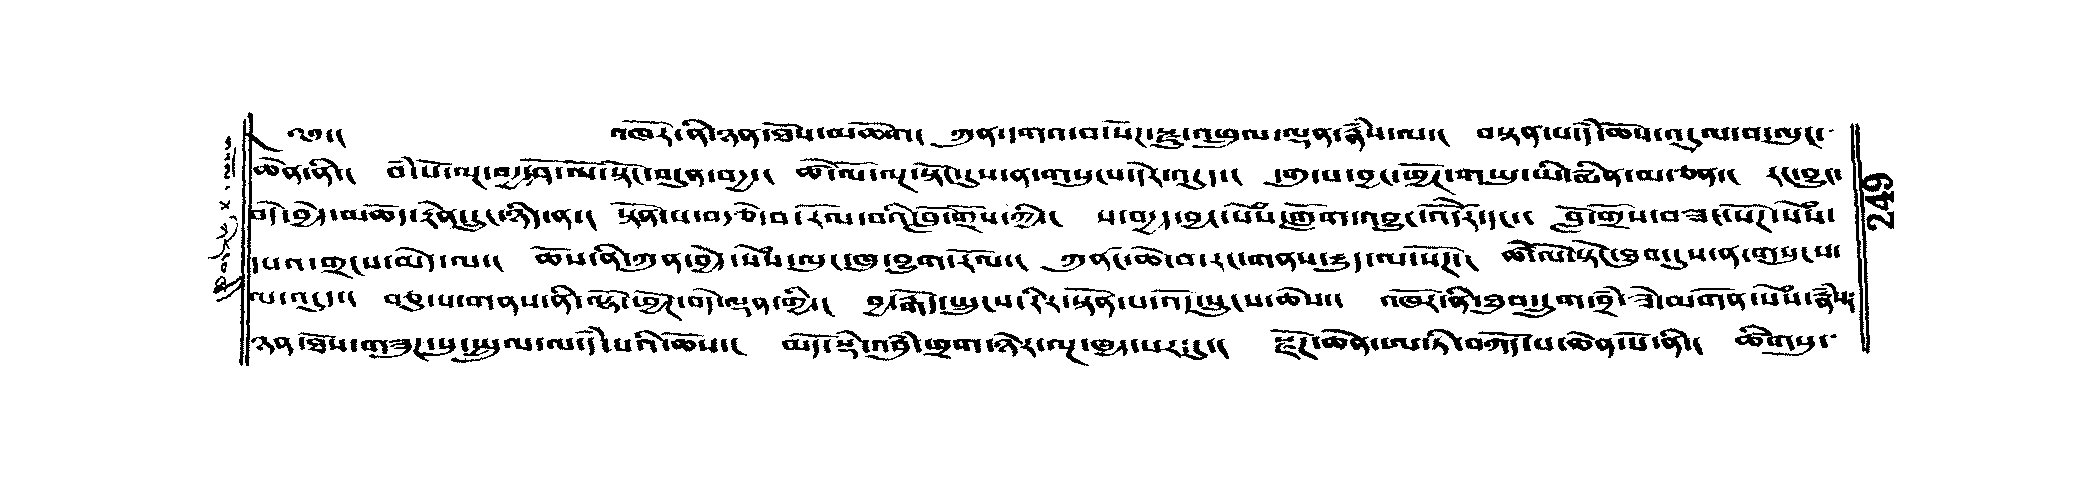འཁོར་ནི་ཉན་ཐོས་མཆོག །ཀུན་དགའ་བ་སོགས་རྫུ་འཕྲུལ་ལྡན་རྣམས་ལ། །བསྟན་པ་དམ་ཆོས་འདུལ་བ་ལུང་
ཆེན་ནི། །བམ་པོ་ལྔ་བརྒྱ་ཤོ་ལོ་སྟོང་བདུན་བརྒྱ། །ཚེ་ལོ་ལྔ་སྟོང་དུས་ན་གསུང་དེར་འདུད། །དགུ་པ་བྱང་ཕྱོགས་གཡུ་ཡི་སྨིན་མ་ཅན། །རང་བྱུང་
བདེ་བྱེད་མཆོད་རྟེན་དྲུང་ཉིད་ན། །སྟོན་པ་བརྩེ་བ་རོལ་བའི་བློ་གྲོས་ཀྱི། །ས་བརྒྱད་བྱང་སེམས་གློག་འབྱུང་འོད་ཟེར་དང་། །བློ་གྲོས་བཟང་སོགས་སེམས་
དཔའ་གྲངས་མེད་ལ། །ཆོས་ནི་ཀུན་བྱེད་སེམས་ལུང་ཁུ་བྱུག་རོལ། །ཀུན་བཟང་ཆེ་བ་རང་གནས་རྒྱུད་ལ་སོགས། །ཚེ་ལོ་སྟོང་ཐུབ་དུས་ན་གསུངས་
ལ་འདུད། །བཅུ་པ་གནས་ནི་ལྷོ་ཕྱོགས་བདེ་ལྡན་གྱི། །བྱ་རྒོད་སྤུངས་རིར་སྟོན་པ་འོད་སྲུངས་ཆེས། །འཁོར་ནི་ཐུབ་དྲུག་བྲམ་ཟེ་མགོན་སེམས་རྣམས། །
ཉན་ཐོས་གཟུགས་སུ་སྤྲུལ་ལ་དམ་པའི་ཆོས། །མདོ་སྡེ་འབུམ་ཕྲག་ཉེར་ལྔ་ཁྱད་པར་དུ། །རྫོགས་ཆེན་ཨ་ཏི་བཀོད་པ་ཆེན་པོ་ནི། །ཚིགས་སུ་